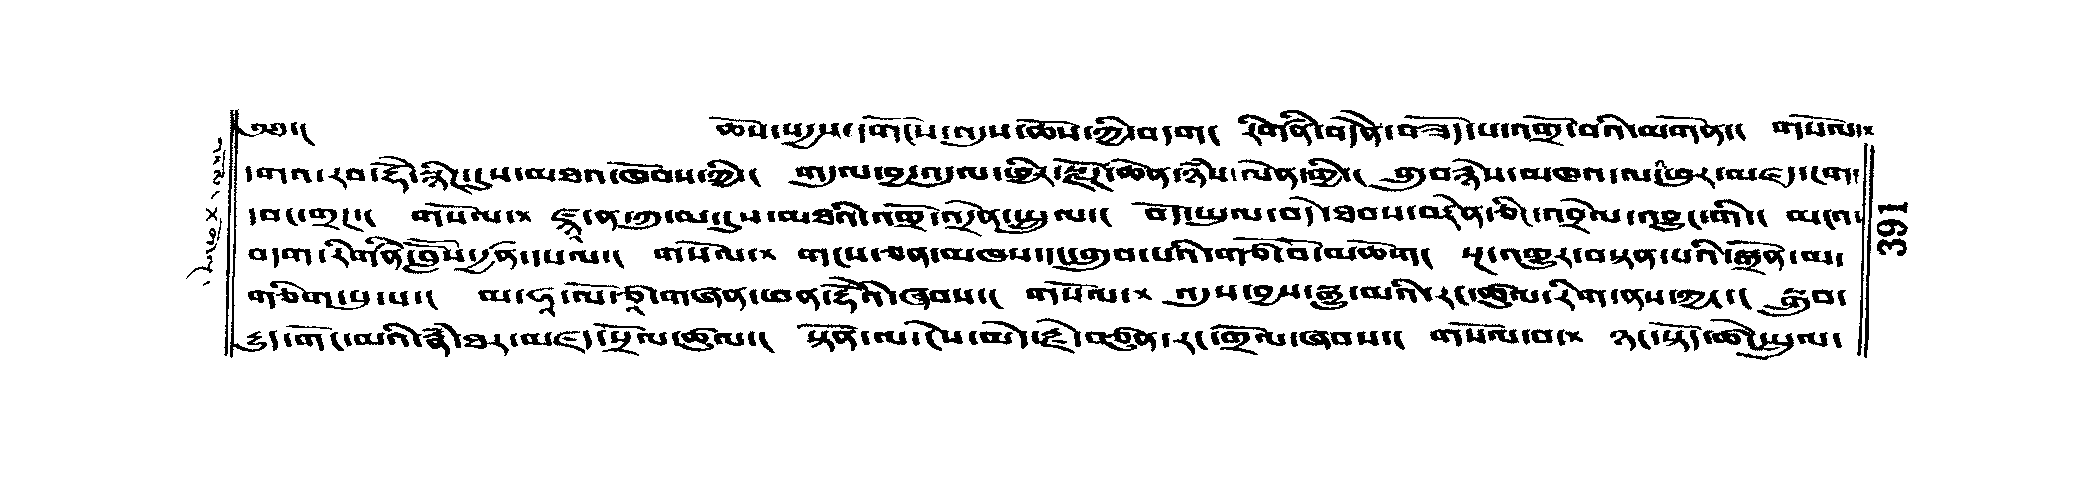ཆོས་སངས་རྒྱས་དགོངས་འདུས་ཆོས་ཀྱི་བདག །རིག་འཛིན་བདེ་ཆེན་བཟོད་པ་འགྲོ་བའི་མགོན། །གསོལ༴ 
།དགའ་རབ་རྡོ་རྗེ་སྙིགས་དུས་མཐའ་ཁོབས་ཀྱི། །གདུལ་བྱ་འདུལ་ཕྱིར་རྫོགས་ཆེན་ཉམས་ལེན་གྱི། །གྲུབ་བརྙེས་མཁའ་ལ་འཕུར་མཛད་ངག་
དབང་གྲགས། །གསོལ༴ །ཛྙཱ་ན་ཀུ་མར་དུས་མཐའི་འགྲོ་འདྲེན་སྤྲུལ། །བོད་ཡུལ་བདེ་ཐབས་བརྟེན་ཅིང་འབྲེལ་འབྱུང་གི །མངའ་
བདག་རིག་འཛིན་བློ་གྲོས་རྒྱལ་མཚན་དཔལ། །གསོལ༴ །གངས་ཅན་མཁས་དང་གྲུབ་པའི་གཙོ་བོ་མཆོག །སྔ་འགྱུར་བསྟན་པའི་སྒྲོན་མེ་
གཅིག་པུ་པ། །མ་ཧཱ་ལོ་ཙཱ་གཞན་ཕན་རྡོ་རྗེའི་ཞབས། །གསོལ༴ །འདུས་བྱས་སྒྱུ་མའི་རང་ཚུལ་རིག་ནས་ཀྱང་། །སྒྲུབ་
རྒྱུད་གོང་མའི་རྣམ་ཐར་མཛད་སྲོལ་ཚུལ། །སྟོན་ལ་ངེས་མེད་རྗེ་བཙུན་རང་གྲོལ་ཞབས། །གསོལ་བ༴ །ཉང་སྟོད་ཚེ་སྤྲུལ་